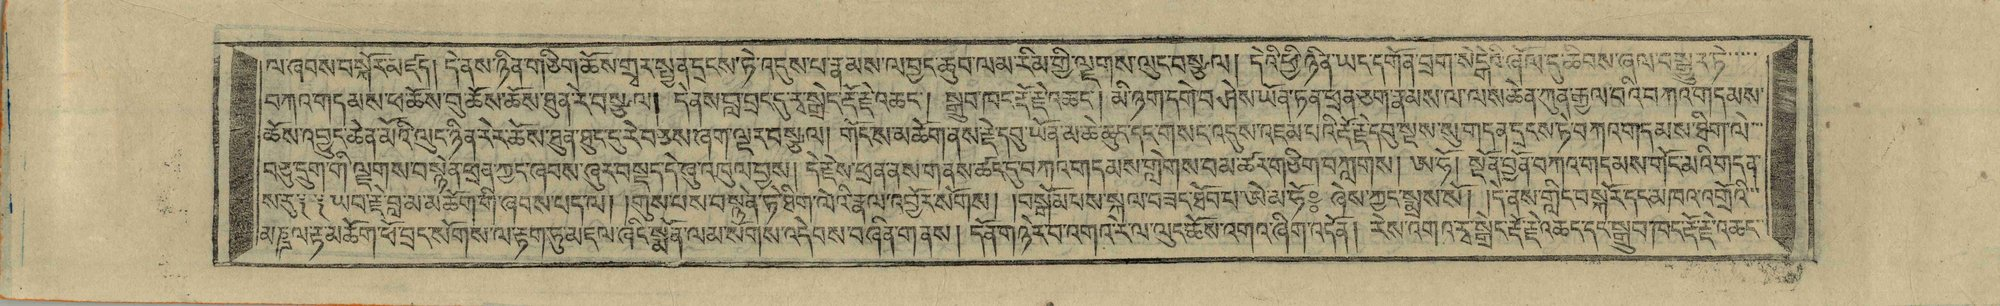ལ་ཞབས་བསྐོར་མཛད། དེ་ནས་ཉིན་གཅིག་ཆོས་གྲྭར་སྤྱན་དྲངས་ཏེ་འདུས་པ་རྣམས་ལ་བྱང་ཆུབ་ལམ་རིམ་གྱི་ལྗགས་ལུང་བསྩལ། དེའི་ཕྱི་ཉིན་ཡང་དགོན་བྲག་སེངྒེའི་ཞོལ་དུ་ཆིབས་ཞལ་བསྒྱུར་ཏེ་
བཀའ་གདམས་ཕ་ཆོས་བུ་ཆོས་ཆོས་ཐུན་རེ་བསྩལ། དེ་ནས་བླ་བྲང་དུ་རྭ་སྒྲེང་རྡོ་རྗེ་འཆང་། སྒྲུབ་ཁང་རྡོ་རྗེ་འཆང་། མི་ཉག་དགེ་བཤེས་ཡོན་ཏན་ཕྲན་ཅག་རྣམས་ལ་ལས་ཆེན་ཀུན་རྒྱལ་བའི་བཀའ་གདམས་
ཆོས་འབྱུང་ཆེན་མོའི་ལུང་ཉིན་རེར་ཆོས་ཐུན་ཐུང་དུ་རེ་བཅས་ཞག་ལྔར་བསྩལ། གོང་ས་མཆོག་ནས་རྗེ་དབུ་ཡོན་མ་ཆེ་ཆུང་དང་གསང་འདུས་འཇམ་པའི་རྡོ་རྗེ་དབུ་སྔས་སུ་གདན་དྲངས་ཏེ་བཀའ་གདམས་ཐིག་ལེ་
བཅུ་དྲུག་གི་ལྗགས་བསྙེན་ཕྲན་ཀྱང་ཞབས་ཞུར་བསྡད་དེ་ཞུ་འཁུལ་བྱས། དེ་རྗེས་ཕྲན་ནས་གནས་ཚང་དུ་བཀའ་གདམས་གླེགས་པ་མ་ཚར་གཅིག་བཀླགས། ཨ་ཧོ། སྔོན་བྱོན་བཀའ་གདམས་གོང་མའི་གདན་
ས་རུ༑ ༑ཡབ་རྗེ་བླ་མ་མཆོག་གི་ཞབས་པད་ལ། །གུས་པས་བསྙེན་ཏེ་ཐིག་ལེའི་རྣལ་འབྱོར་སོགས། །བསྒོམ་པས་སྐལ་བཟང་ཐོབ་པ་ཨེ་མ་ཧོཿ ཞེས་ཀྱང་སྨྲས་སོ། །དེ་ནས་གླིང་བསྐོར་དང་མཁའ་འགྲོའི་
མཎྜལ་རྟ་མཆོག་ཕོ་བྲང་སོགས་ལ་རྟག་ཏུ་མཇལ་ཞིང་སྨོན་ལམ་སོགས་འདེབས་བཞིན་གནས། དོན་གཉེར་བ་འགའ་རེ་ལ་ལུང་ཆོས་འགའ་ཞིག་འདོན། རེས་འགའ་རྭ་སྒྲེང་རྡོ་རྗེ་འཆང་དང་སྒྲུབ་ཁང་རྡོ་རྗེ་འཆང་